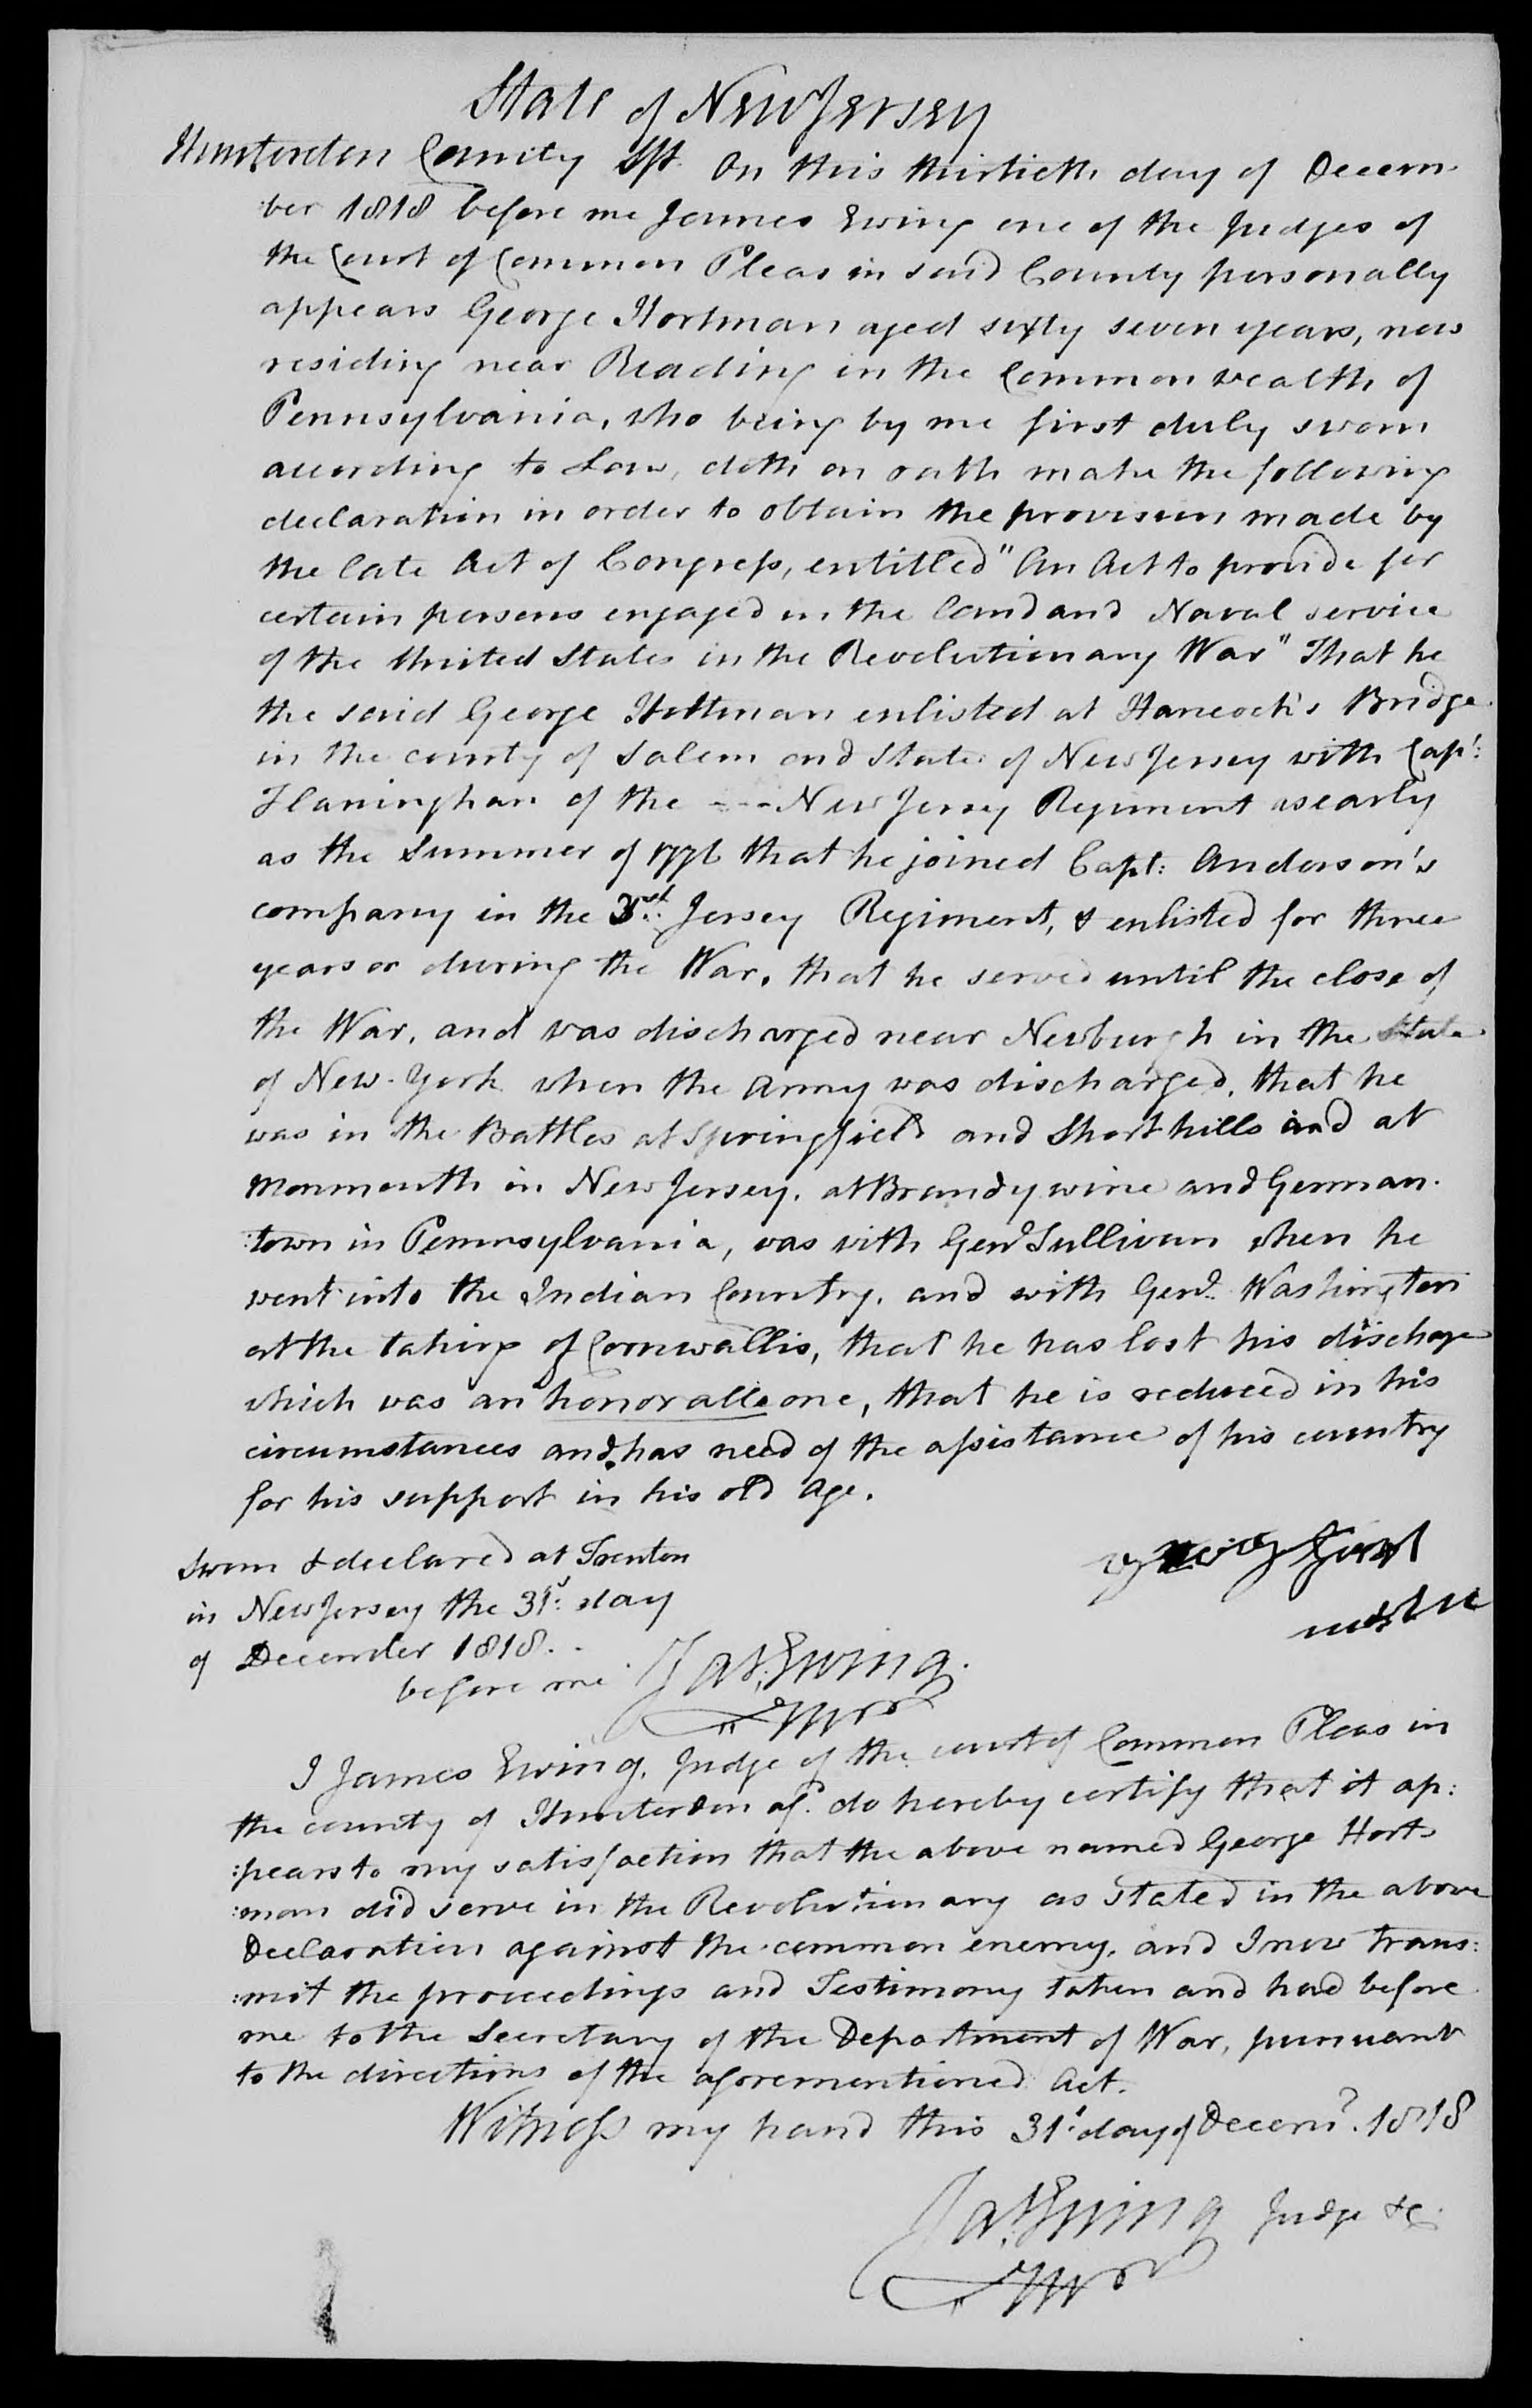State of New Jersey
Hunterdon County ss On this nineteenth day of December
1818 before me James Ewing one of the Judges of
the Court of Common Pleas in said County personally
appears George Hartman aged sixty seven years, now
residing near Reading in the Commonwealth of
Pennsylvania, who being by me first duly sworn
according to Law, doth on oath make the following
declaration in order to obtain the provisions made by
the late Act of Congress, entitled "An Act to provide for
certain persons engaged in the land and Naval service
of the United States in the Revolutionary War" That he
the said George Hartman enlisted at Hancock's Bridge
in the County of Salem and State of New Jersey with Cap's
Flaningham of the [crossed out] New Jersey Regiment as early 
as the summer of 1776 that he joined Capt Anderson's
company in the 3rd Jersey Regiment, & enlisted for three
years or during the War.  That he served until the close of
the War, and was discharged near Newburgh in the State
of New York when the Army was discharged.  That he
was in the Battles at Springfield and Short Hills and at
Monmouth in New Jersey, at Brandywine and Germantown
in Pennsylvania, was with Gen Sullivan when he
went into the Indian Country, and with Genl Washington
at the taking  of Cornwallis, that he has lost his discharge
which was an honorable one, that he is reduced in his
circumstances and has need of the assistance of his country
for his support in his old age.
Sworn & declared at Trenton | [illegible signature]
in New Jersey the 31 day
of December 1818
before me JAS Ewing
I James Ewing, Judge of the court of Common Pleas in
the county of Hunterdon [illegible] do hereby certify that it appears
to my satisfaction that the above named George Hartman
did serve in the Revolutionary as stated in the above
Declaration against the common enemy, and I now transmit
the proceedings and Testimony taken and had before
one to the Secretary of the Department of War, pursuant
to the directions of the aforementioned Act.
Witness my hand this 31 day of Decem? 1818
Jas Ewing Judge [illegible]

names: James Ewing, Washington, Jas Ewing, George Hertman, George Hartman, Sullivan, George Hartman, George Hartman, James Ewing, Jas Ewing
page: 4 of 29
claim: widow's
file: W. 2,789, George Hartman, New Jersey